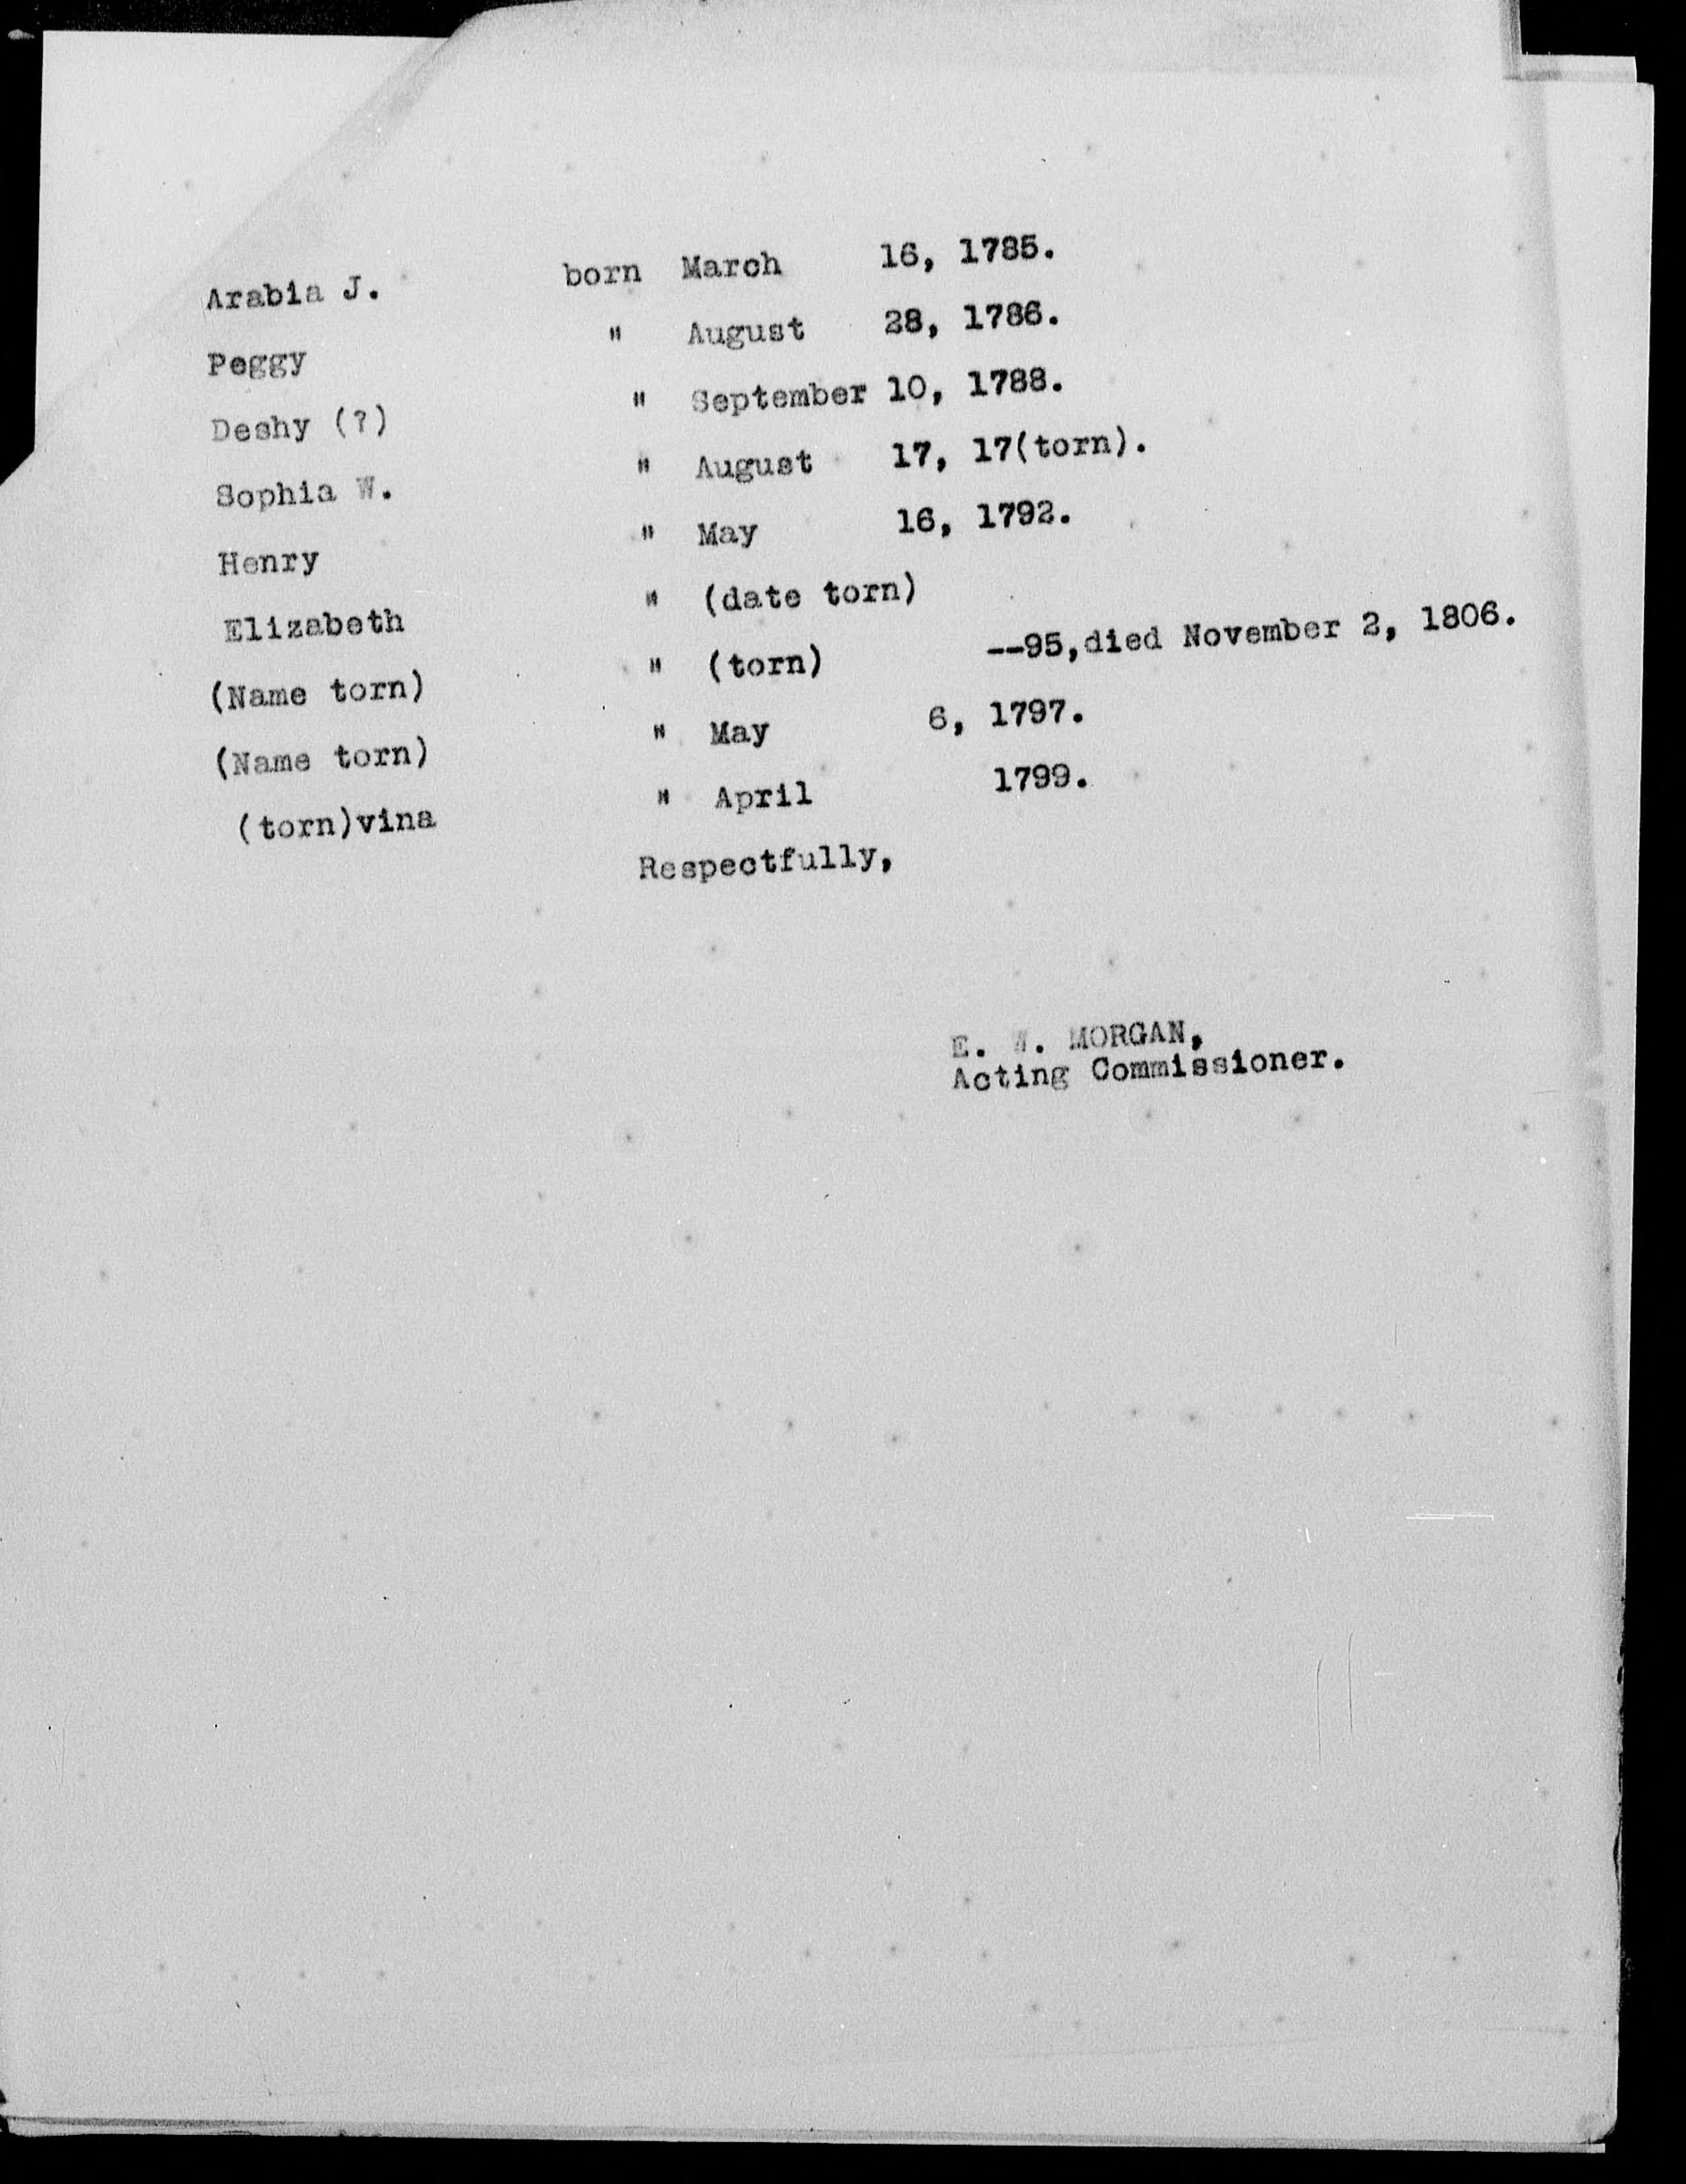Arabia J.    born  March         16,  1785.
Peggy         "       August        28,  1786.
Deshy (?)    "       September  10,  1788.
Sophia W.   "      August         17,  17(torn).
Henry         "      May              16,  1792.
Elizabeth    "      (date torn)
(Name torn) "  (torn) --95,died November 2,1806. 
(Name torn) "   May               6, 1797.
(torn)vina     "    April                 1799.

Respectfully,

E.W. MORGAN,
Acting Commissioner.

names: Elizabeth, Arabia J, Peggy, Sophia W, Deshy, Henry, E W Morgan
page: 43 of 65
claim: widow's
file: W. 8384, Arabia Brown, Va.